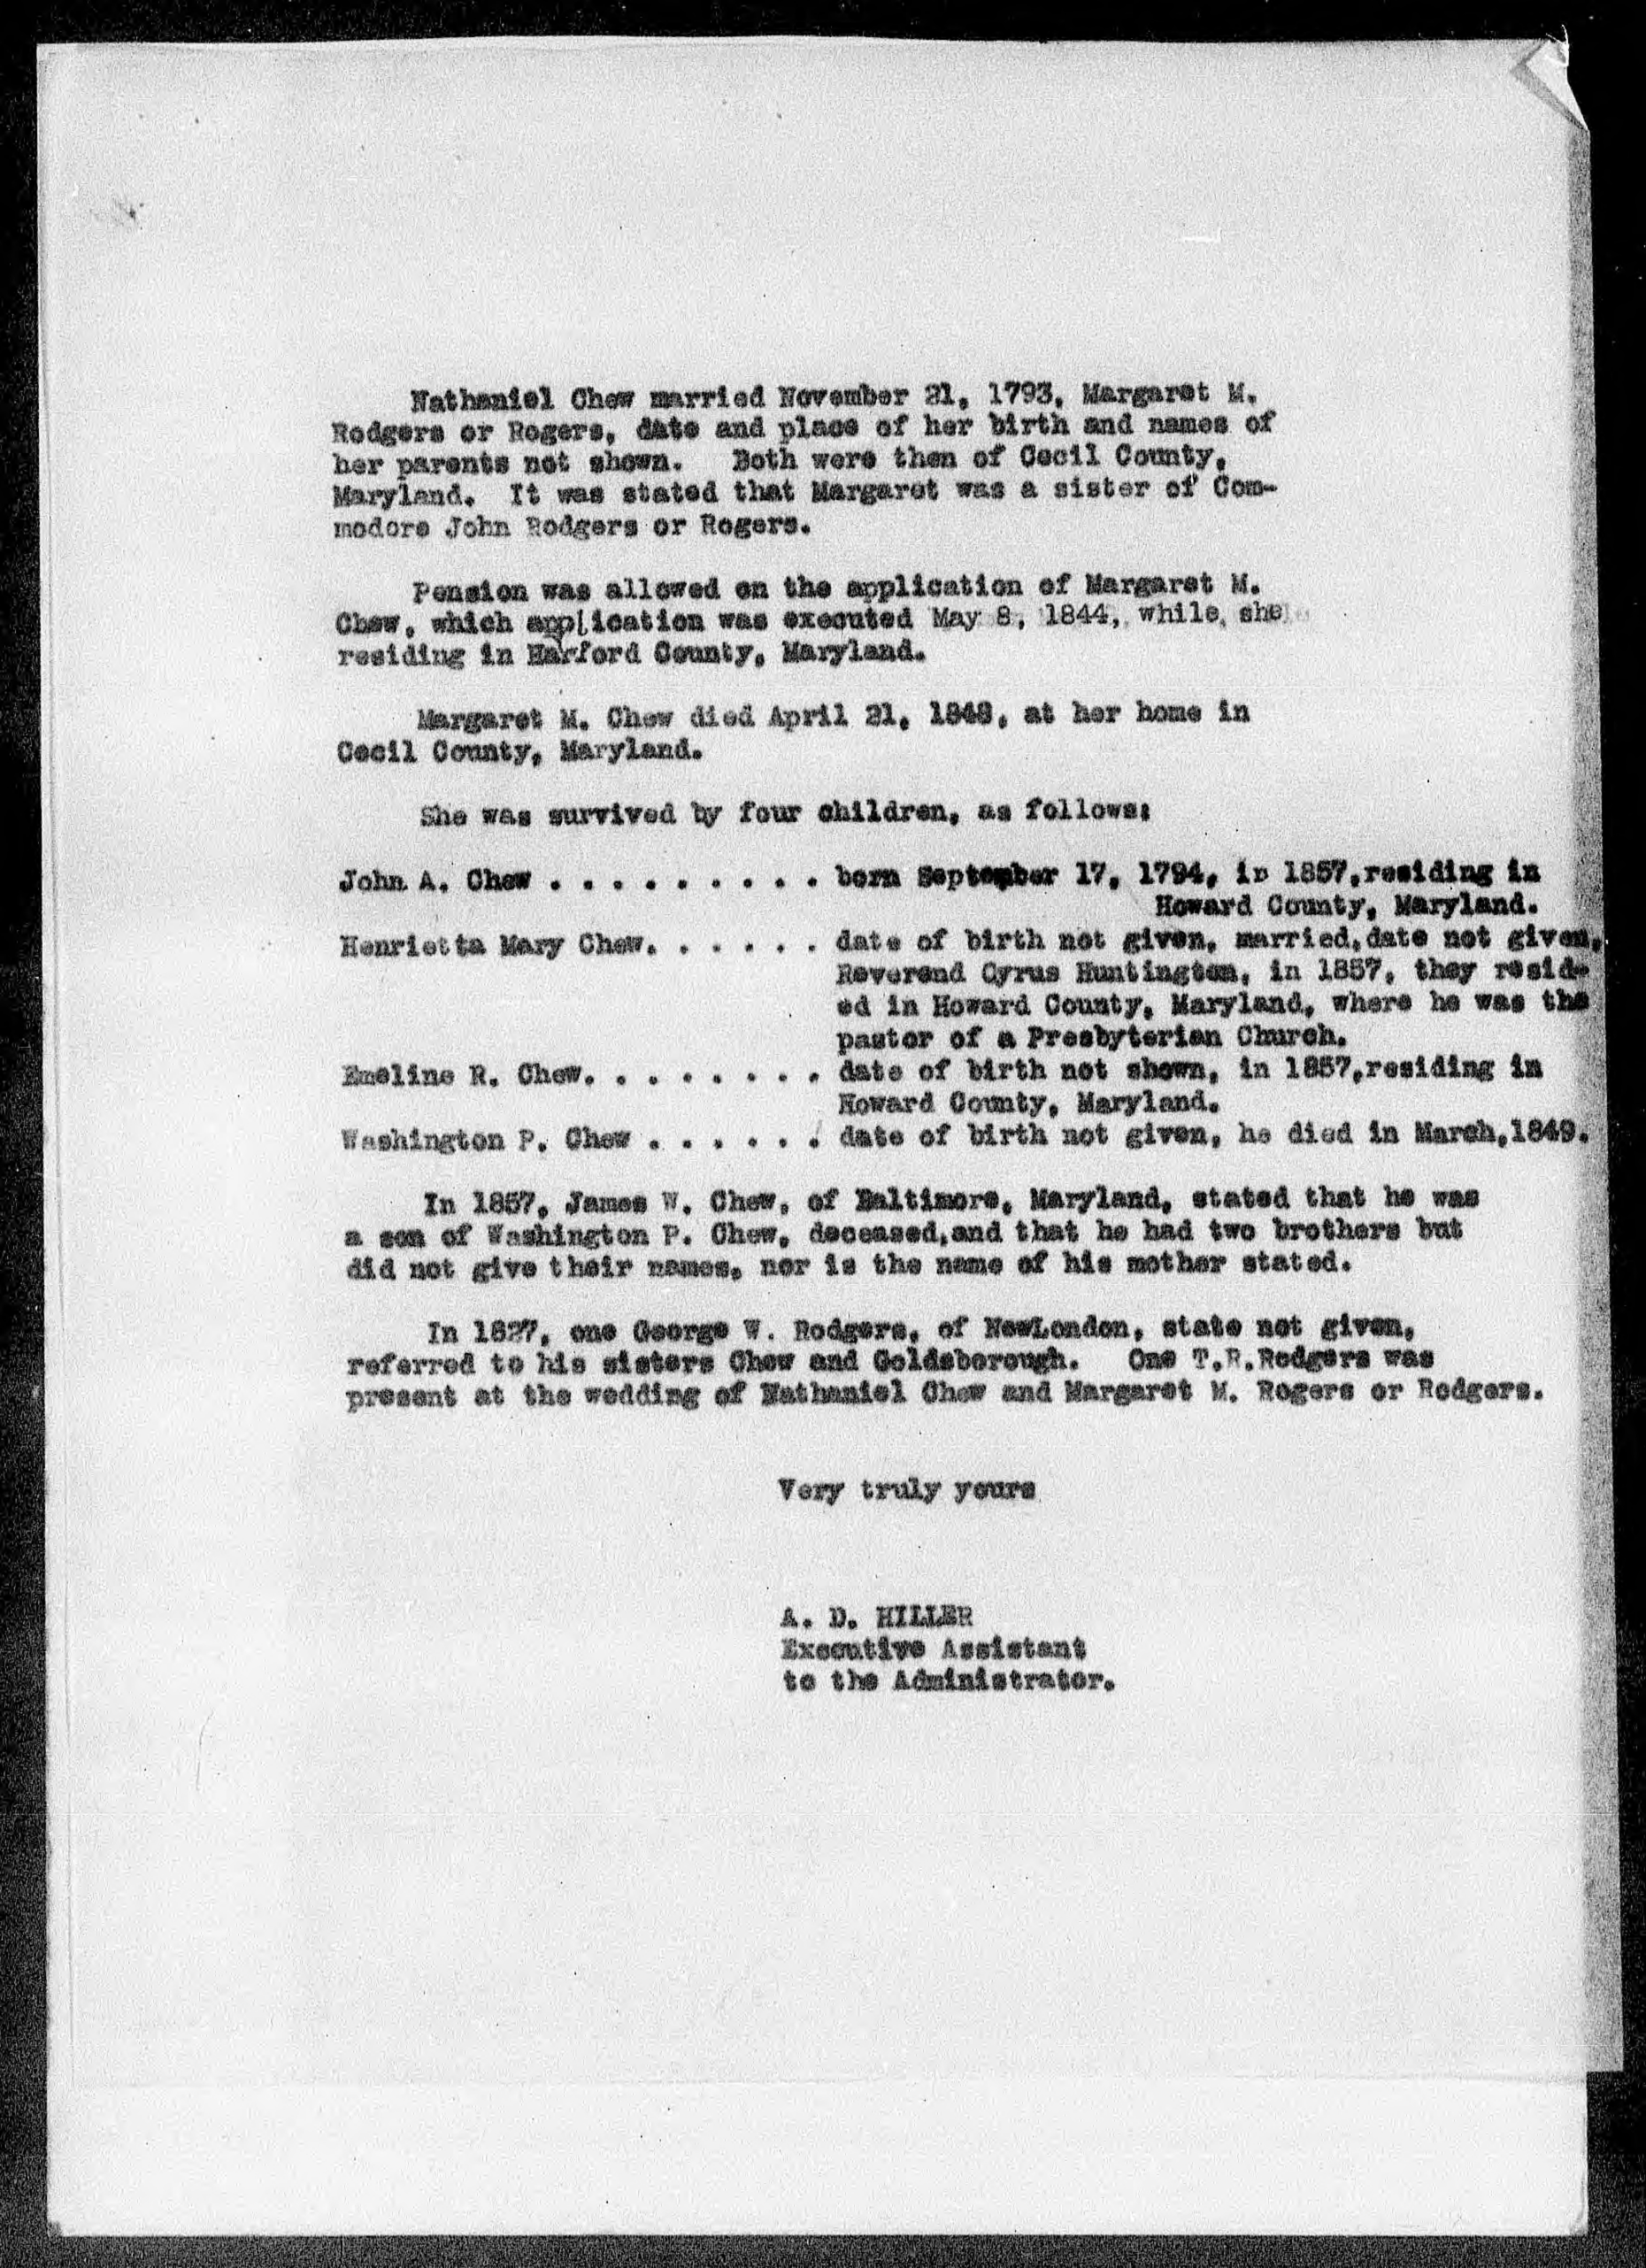Nathaniel Chew married November 21, 1793, Margaret M.
Rodgers or Rogers, date and place of her birth and names
of her parents not shown.  Both were then of Cecil County,
Maryland.  It was stated that Margaret was a sister of Com-
modore John Rodgers or Rogers.

Pension was allowed on the application of Margaret M.
Chew, which application was executed May 8, 1844, while she
residing in Harford County, Maryland.

Margaret M. Chew died April 21, 1848, at her home in
Cecil County, Maryland.

She was survived by four children, as follows:

John A. Chew . . . . . . . . . . born September 17, 1794, in 1857, residing in
Howard County, Maryland.

Henrietta Mary Chew . . . . date of birth not given, married, date not given,
Reverend Cyrus Huntington, in 1857, they reside-
ed in Howard County, Maryland, where he was the
pastor of a Presbyterian Church.

Emeline R. Chew . . . . . . . date of birth not shown, in 1857, residing in
Howard County, Maryland.

Washington P. Chew . . . . date of birth not given, he died in March,1849.

In 1857, James W. Chew, of Baltimore, Maryland, stated that he was
a son of Washington P. Chew, deceased, and that he had two brothers but
did not give their names, nor is the name of his mother stated.

in 1827, one George W. Rodgers, of NewLondon, state not given,
referred to his sisters Chew and Goldsborough.  One T.R.Rodgers was
present at the wedding of Nathaniel Chew and Margaret M. Rogers or Rodgers.

Very truly yours

A. D. HILLER
Executive Assistant
to the Administrator.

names: Nathaniel Chew, A D Hiller, John Rodgers, Margaret M Chew, Emeline R Chew, Washington P Chew, Margaret M Chew, Nathaniel Chew, George W Rodgers, Margaret M Rogers, Washington P Chew, James W Chew, T R Rodgers, Henrietta Mary Chew, Margaret, Goldsborough, John A Chew, Margaret M Rogers, Margaret M Rodgers, John Rogers, Chew, Margaret M Rodgers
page: 22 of 59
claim: widow's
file: W. 9383, Nathaniel Chew, Navy (Md.)